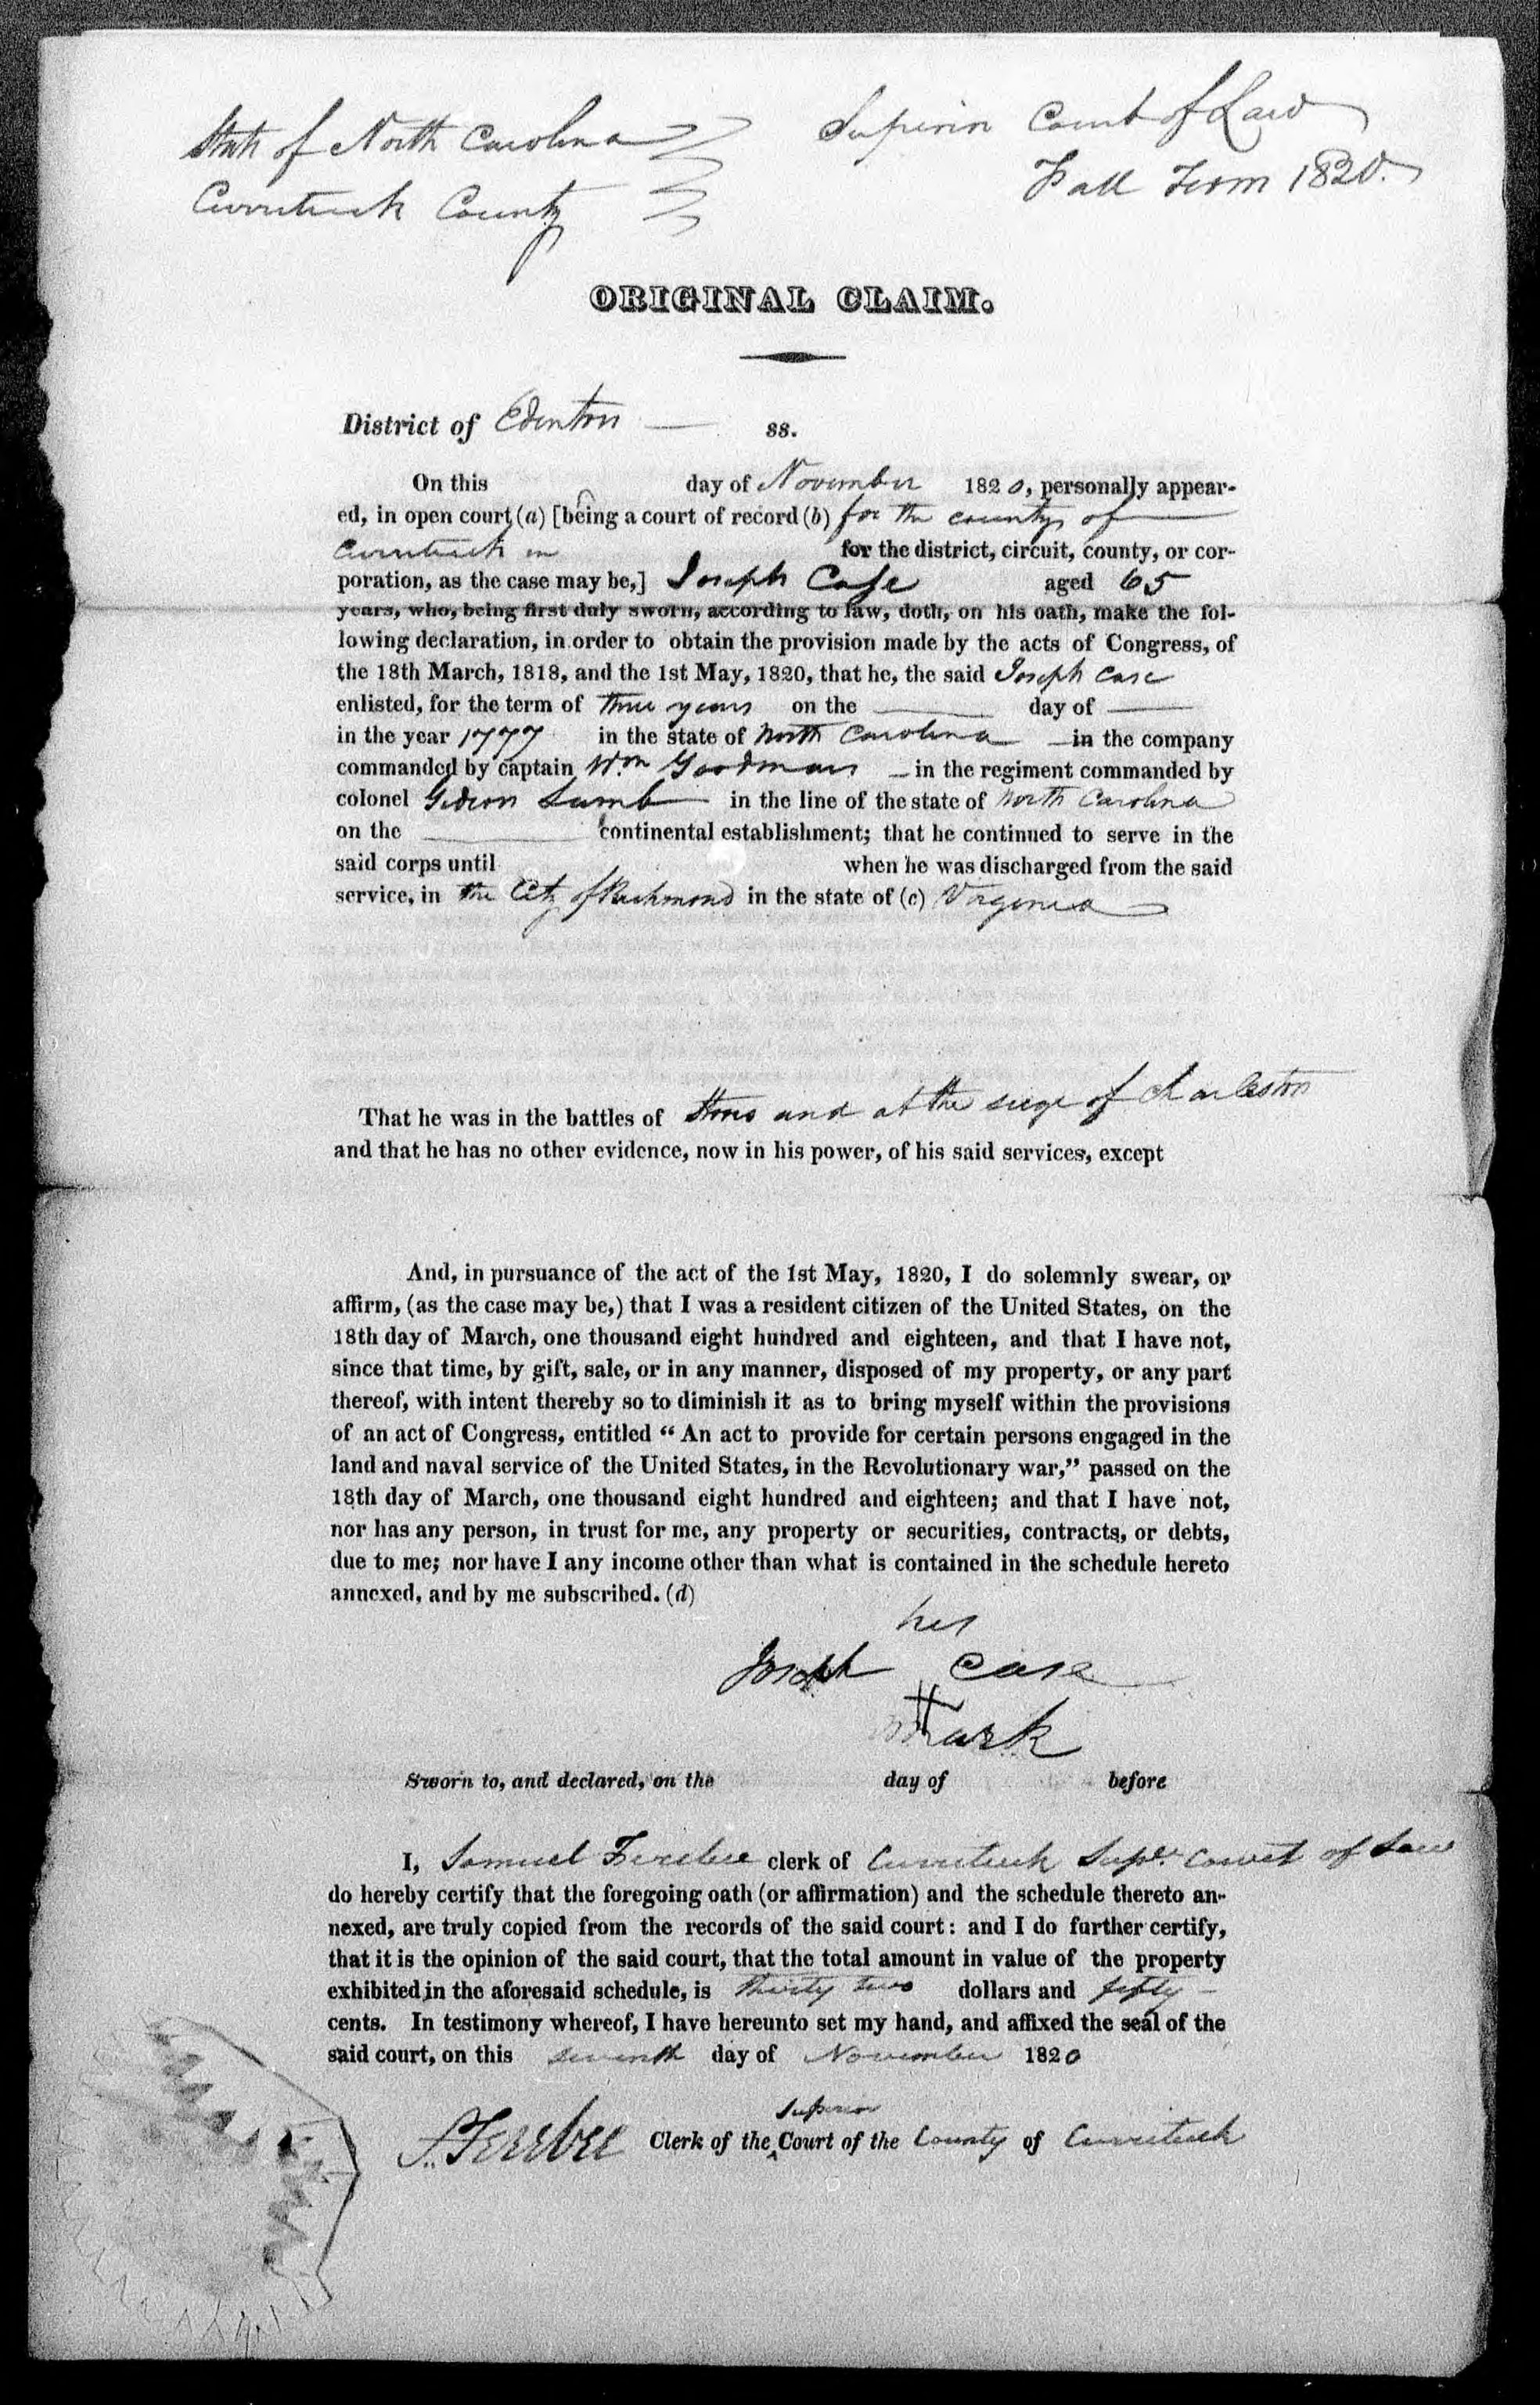State of North Carolina, Curutuck County
Superior Court of Law
Fall Form 1820

ORIGINAL CLAIM

District of Clinton 88.

On this day of November 1820, personally appeared, in open court (a) being a court of record (b) for the County of Currutuck for the district circuit, county, or corporation, as the case may be, Joseph Case aged 65 years, who, being first duly sworn, according to law, doth, on his oath, make the following declaration, in order to obtain the provision made by the acts of Congress of 18th March 1818, and the 1st May 1820, that he, the said Joseph Case enlisted, for the term of three years on the __ day of __ in the year 1777 in the state of North Carolina in the company commanded by Wm. Goodman in the regiment commanded by colonel Gideon Lamb in the line of the state of North Carolina on the ___ continental establishment; that he continued to serve in said corps until ___ when he was discharged from the said service, in the City of Richmond in the State of Virginia.

That he was in the battles of Storrs and at the siege of Charleston and that he has no other evidence, now in his power, of his said services except ____

And, in pursuance of the act of 1st May, 1820, I do solemnly swear, or affirm (as the case may be,) that I was a resident citizen of the United States, on the 18th day of March, one thousand eight hundred and eighteen, and that I have not, since that time, by gift, sale, or in any manner, disposed of my property, or any part thereof, with intent thereby so to diminish it as to to bring myself within the provisions of an Act of Congress, entitled "An act to provide for certain persons engaged in the land and naval service o0f the United States, in the Revolutionary war," passed on the 18th day of March, one thousand eight hundred and eighteen, and that I have not, nor has any person, in trust for me, any property or securities, contracts, or debts due to me; nor have I any income other than what is contained in the schedule hereto annexed, and by me subscribed (d).

Joseph Case X Mark

Sworn to, and declared on this ___ day of ___ before

-----

I, Samuel Ferebee clerk of Courrutuck Superior Court of Law do hereby certify that the foregoing oath (or affirmation) and the schedule thereto annexed, are truly copied from the records of the said court; and I do further certify, that it is the opinion of the said court, that the total amount in value of the property exhibited in the aforesaid schedule is thirty two dollars and fifty cents.  In testimony whereof, I have hereunto set my hand, and affixed the seal of the said court, on this Seventh day of November 1820.

Ferebee Clerk of the Superior Court of the County of Currutuck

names: Gideon Lamb, Joseph Case, Wm Goodman, Samuel Ferebee, S Ferebee, Joseph Case, Joseph Case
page: 18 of 20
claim: survivor's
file: S. 41472, Joseph Case, N.C.